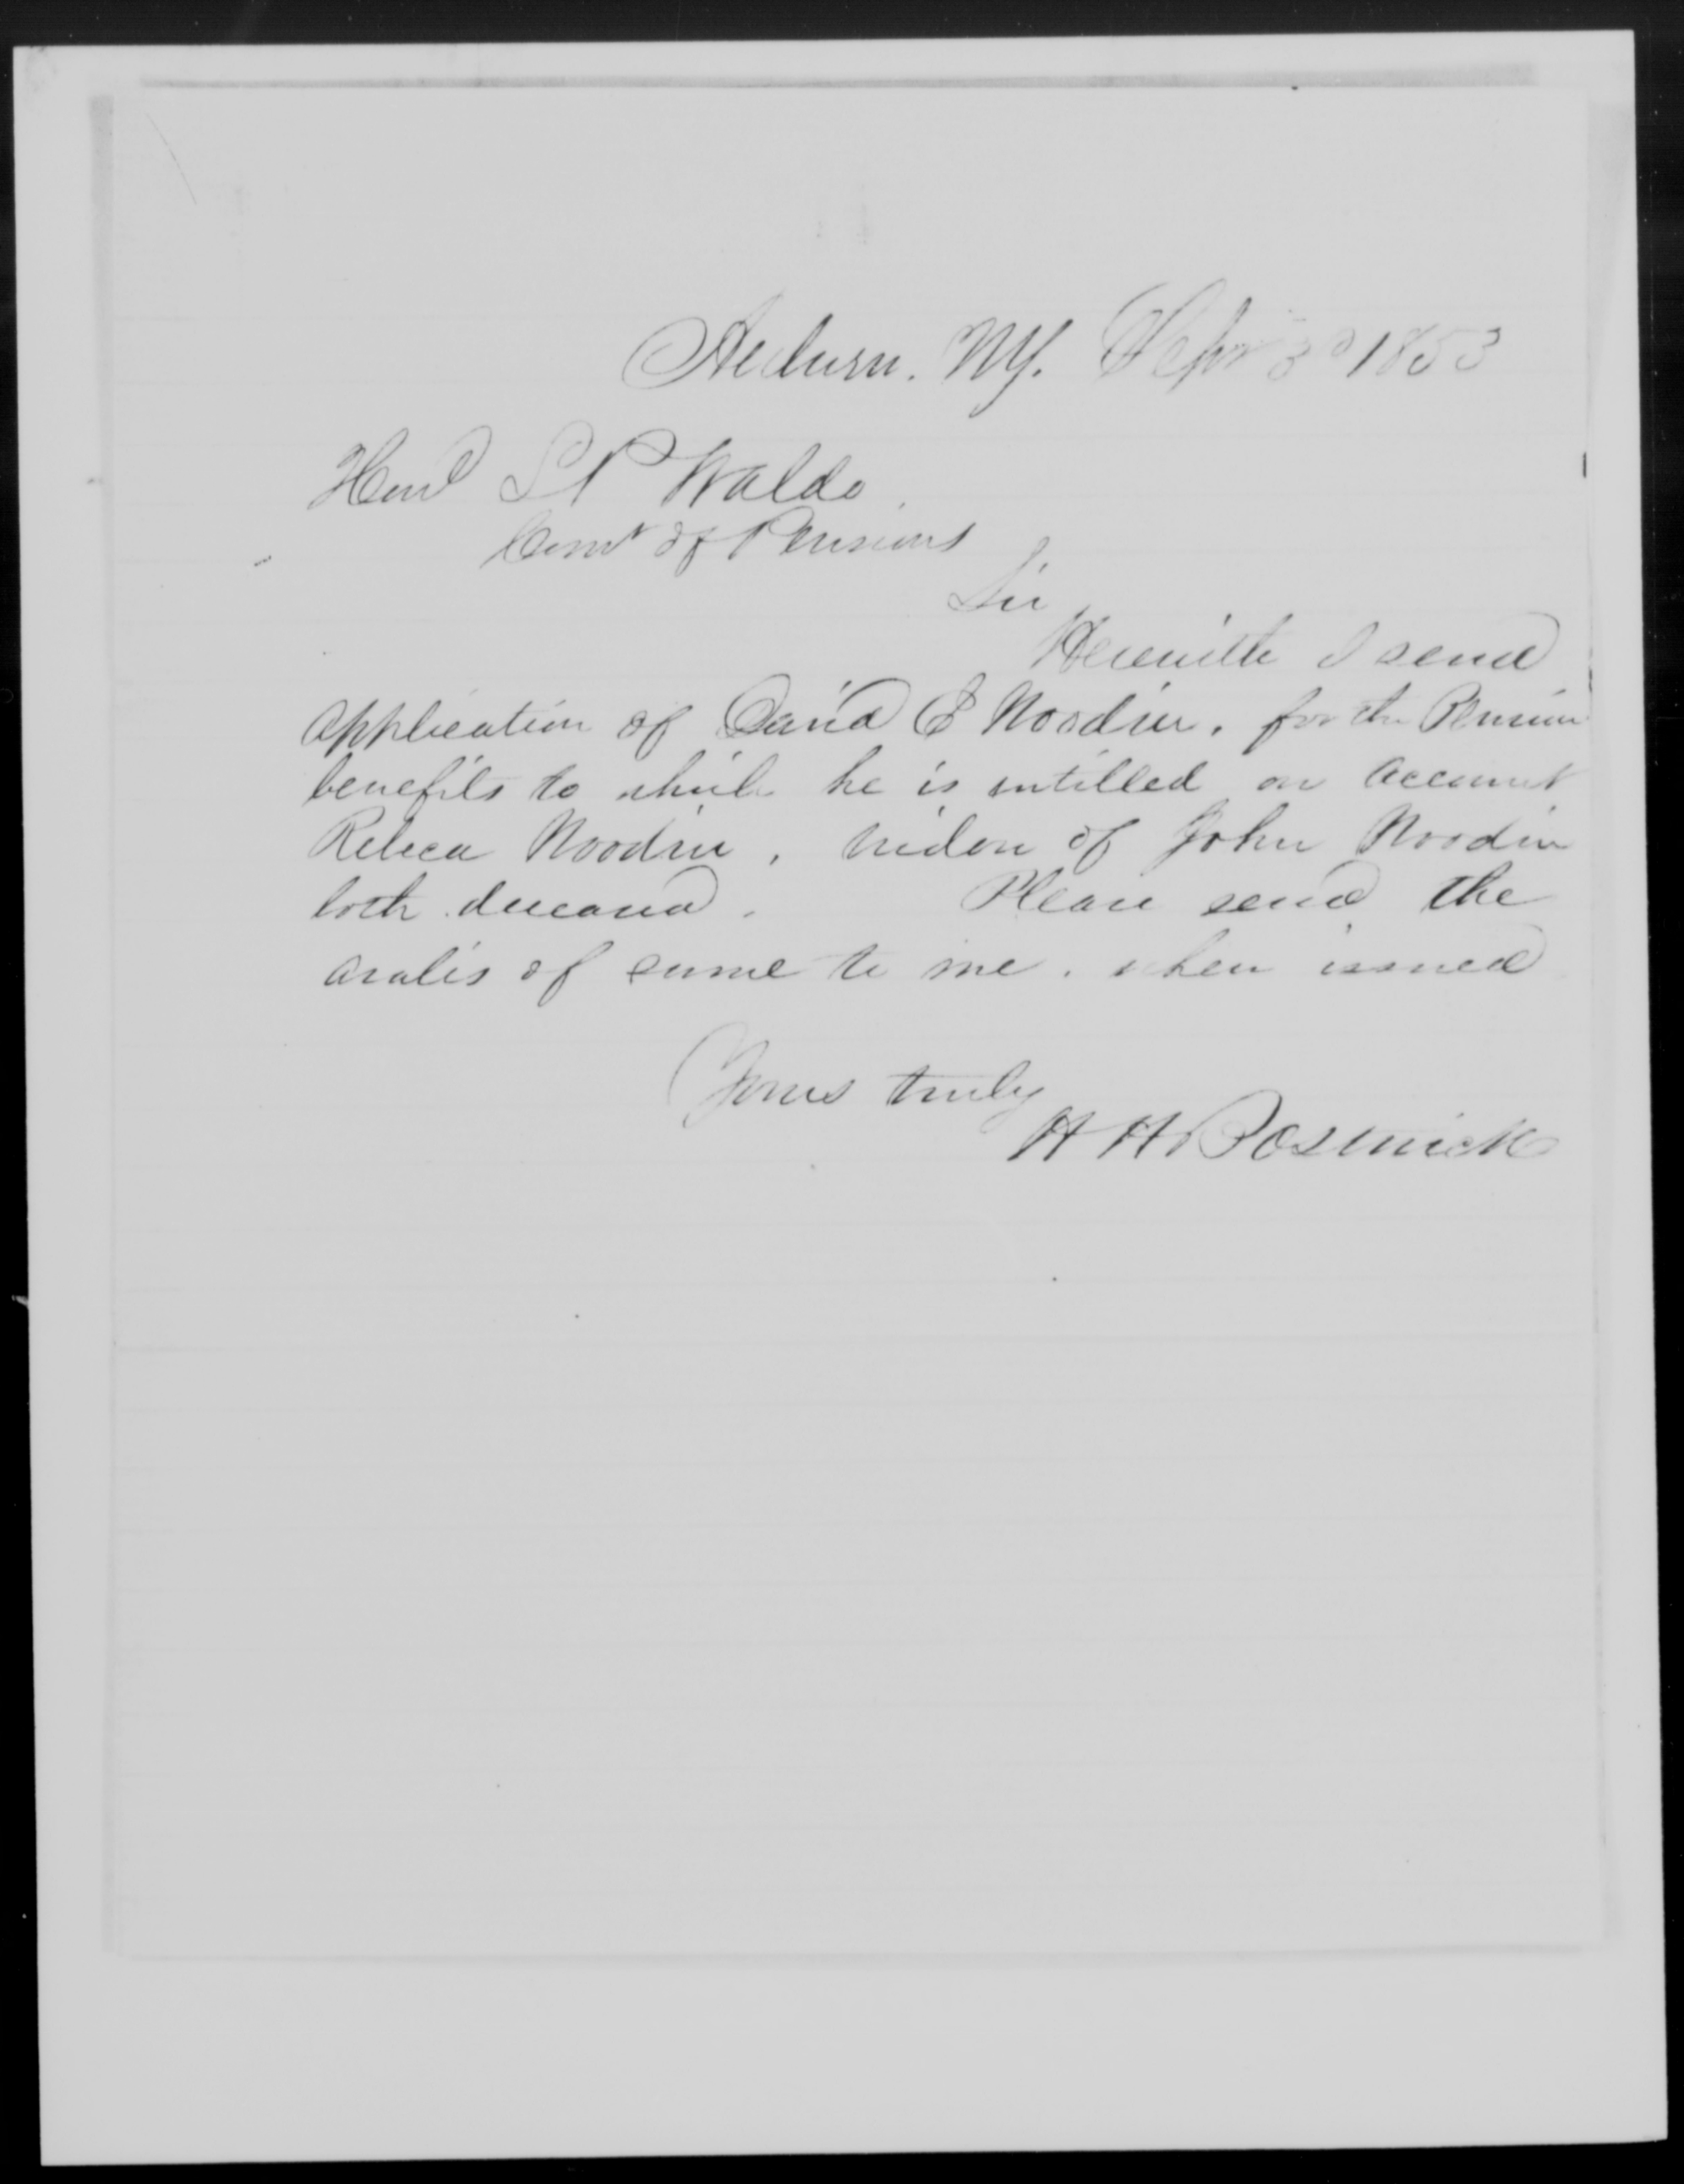Auburn N.Y. Sepr 3d 1853 
Hon L P Waldo 
Comr of Pensions J. 
Ser 
Herewith I send Application of David I Woodin, for the Pension benefits to which he is entitled on account Rebeca Woodin, widow of John Woodin both deceased. Please send the aralis [?] of same to me when issued 
Yours truly 
H H Bostwick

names: Rebeca Woodin, David E Woodin, L P Waldo, John Woodin, H H Bostwick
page: 55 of 77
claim: widow's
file: W. 19658, John Woodin, New York